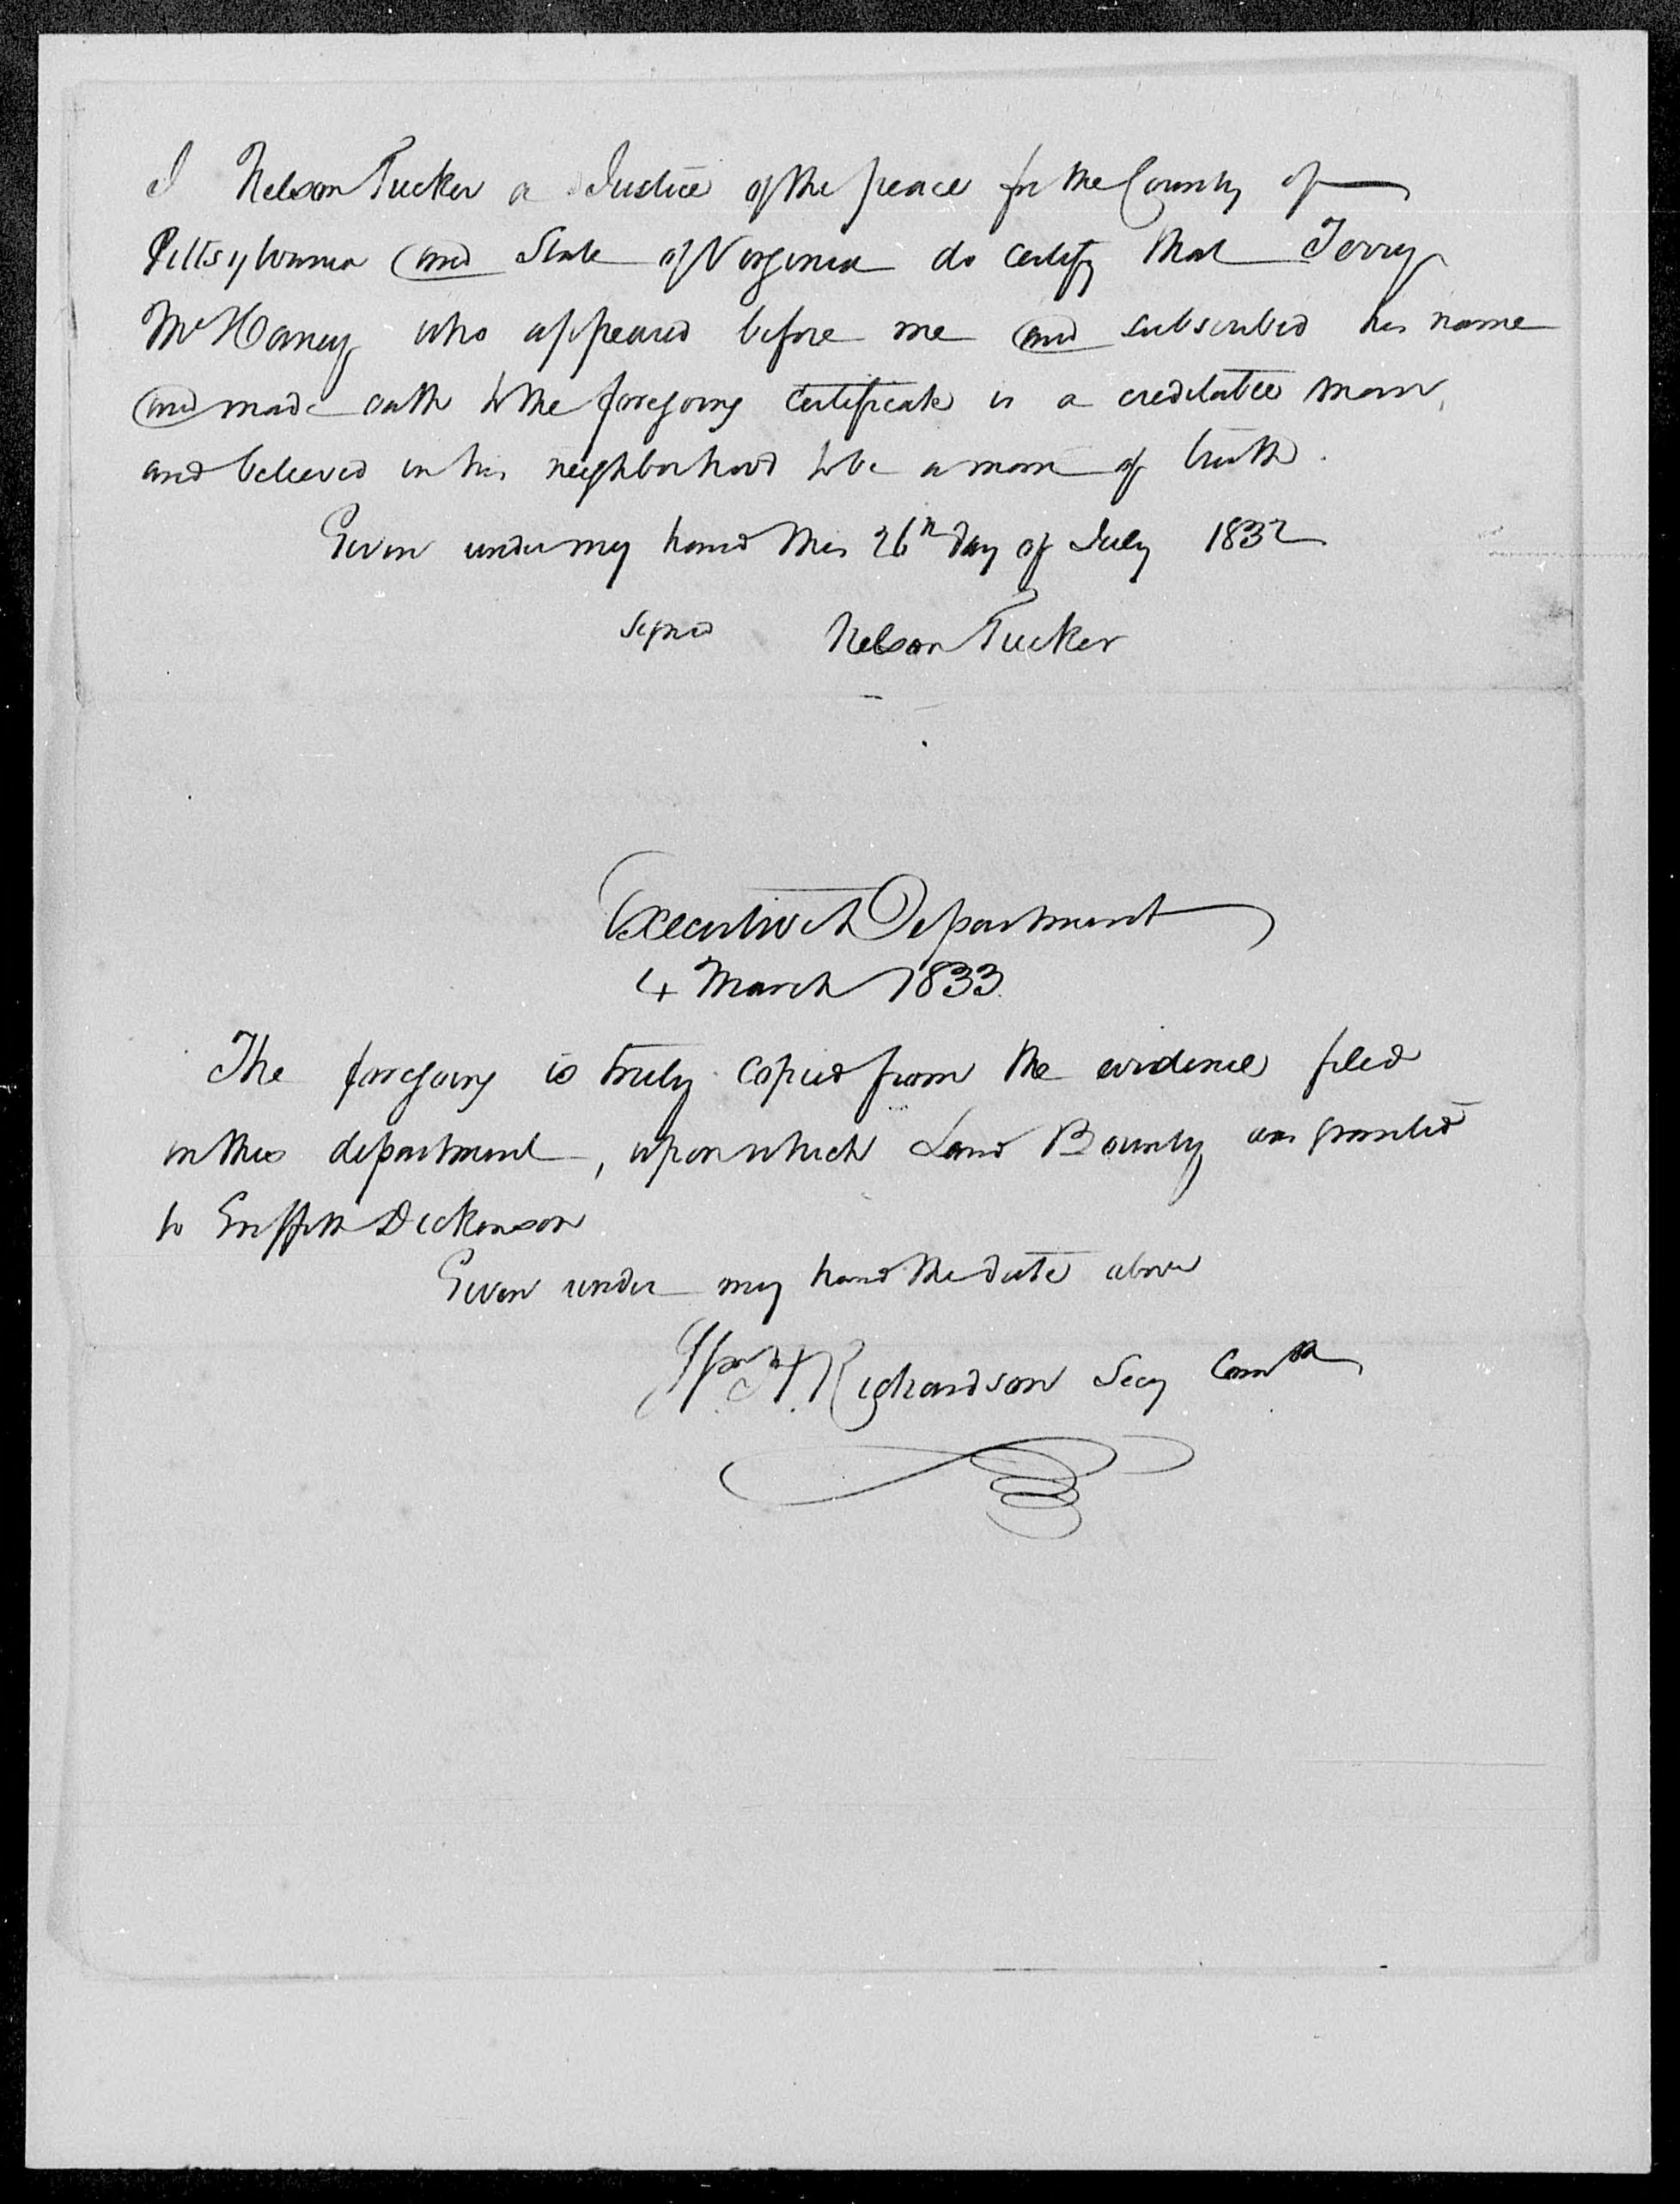I Nelson Tucker a Justice of the peace for the County of Pittsylvania and State of Virginia do certify that Terry McHaney who appeared before me and subscribed his name
and made oath to the foregoing certificate in a creditable manner and believed in his neighborhood to be a man of truth
Given under my hand this 26th day of July 1832
Signed
Nelson Tucker

Executive Department
4 March 1833
The foregoing is truly copied from the evidence filed in this department upon which Land Bounty was presented to Griffeth Dickinson

Given under my hand on the date above
Wm H. Richardson Secy Com[ILLEGIBLE]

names: Terry Mc Haney, Griffith Dickenson, Nelson Tucker, Wm H Richardson, Nelson Tucker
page: 14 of 26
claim: survivor's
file: S. 20896, Griffeth Dickenson, Ga. Va.